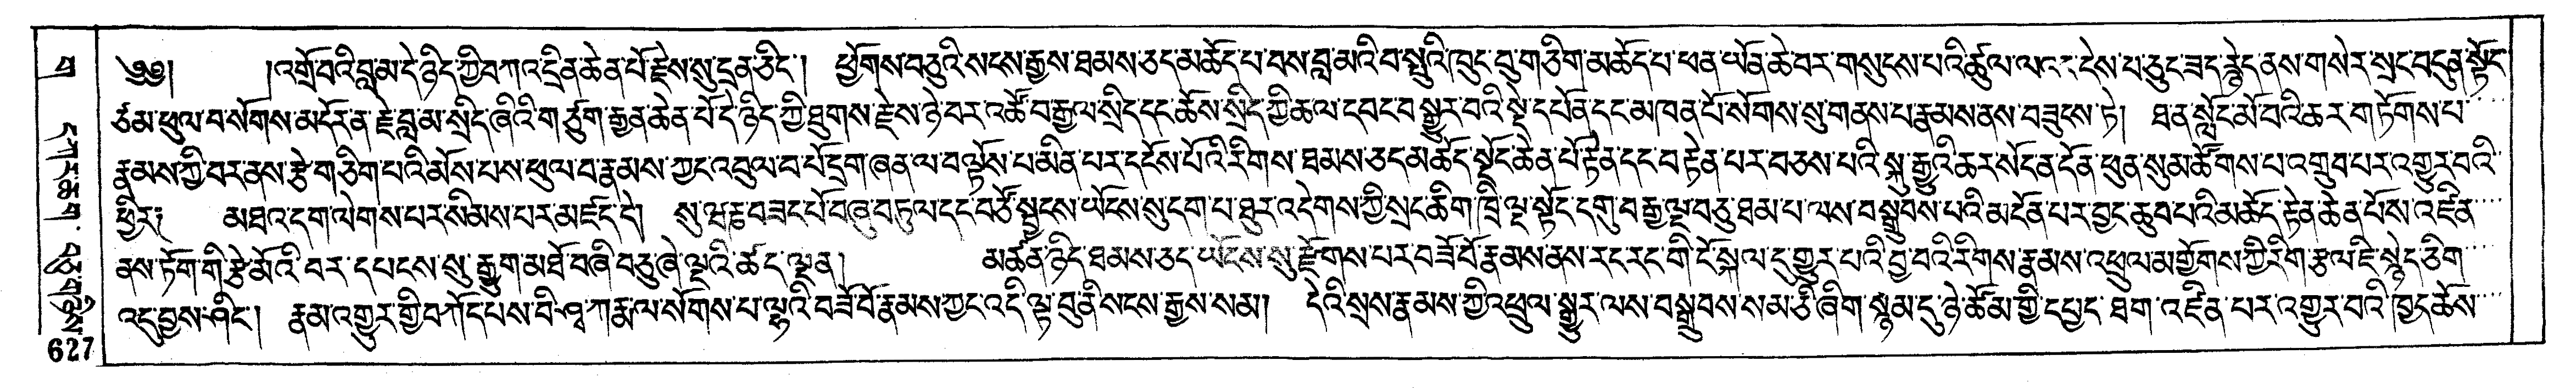༄༅། །འགྲོ་བའི་བླ་མ་དེ་ཉིད་ཀྱི་བཀའ་དྲིན་ཆེན་པོ་རྗེས་སུ་དྲན་ཅིང་། ཕྱོགས་བཅུའི་སངས་རྒྱས་ཐམས་ཅད་མཆོད་པ་བས་བླ་མའི་བ་སྤུའི་ཁུང་བུ་གཅིག་མཆོད་པ་ཕན་ཡོན་ཆེ་བར་གསུངས་པའི་ཚུལ་ལའང་ངེས་པ་ཅུང་ཟད་རྙེད་ནས་གསེར་སྲང་བདུན་སྟོང་
ཙམ་ཕུལ་བ་སོགས་མདོར་ན་རྗེ་བླ་མ་སྲིད་ཞིའི་གཙུག་རྒྱན་ཆེན་པོ་དེ་ཉིད་ཀྱི་ཐུགས་རྗེས་ཉེ་བར་འཚོ་བ་རྒྱལ་སྲིད་དང་ཆོས་སྲིད་ཀྱི་ཆ་ལ་དབང་བསྒྱུར་བའི་སྡེ་དཔོན་དང་མཁན་པོ་སོགས་སུ་གནས་པ་རྣམས་ནས་བཟུངས་ཏེ། ཐ་ན་སློང་མོ་བའི་ཆར་གཏོགས་པ་
རྣམས་ཀྱི་བར་ནས་རྩེ་གཅིག་པའི་མོས་པས་ཕུལ་བ་རྣམས་ཀྱང་འབུལ་བ་པོ་དྲག་ཞན་ལ་བལྟོས་པ་མིན་པར་དངོས་པོའི་རིགས་ཐམས་ཅད་མཆོད་སྡོང་ཆེན་པོ་རྟེན་དང་བརྟེན་པར་བཅས་པའི་སྐུ་རྒྱུའི་ཆར་སོང་ན་དོན་ཕུན་སུམ་ཚོགས་པ་འགྲུབ་པར་འགྱུར་བའི་
ཕྱིར། མཐའ་དག་ལེགས་པར་སིམས་པར་མཛད་དེ། སུ་ཝརྞ་བཟང་པོ་བཞུ་བཏུལ་དང་བཙོ་སྦྱངས་ཡོངས་སུ་དག་པ་ཐུར་འདེགས་ཀྱི་སྲང་ཚིག་ཁྲི་ལྔ་སྟོང་དགུ་བརྒྱ་ལྔ་བཅུ་ཐམ་པ་ལས་བསྒྲུབས་པའི་མངོན་པར་བྱང་ཆུབ་པའི་མཆོད་རྟེན་ཆེན་པོ་ས་འཛིན་
ནས་ཏོག་གི་རྩེ་མོའི་བར་དཔངས་སུ་རྒྱུག་མཐོ་བཞི་བཅུ་ཞེ་ལྔའི་ཚད་ལྡན། མཚན་ཉིད་ཐམས་ཅད་ཡོངས་སུ་རྫོགས་པར་བཟོ་བོ་རྣམས་ནས་རང་རང་གི་ངོ་སྐལ་དུ་གྱུར་པའི་བྱ་བའི་རིགས་རྣམས་འཕྲུལ་མགྱོགས་ཀྱི་རིག་རྩལ་ཇི་སྙེད་ཅིག་
འདུ་བྱས་ཤིང་། རྣམ་འགྱུར་གྱི་བཀོད་པས་བི་ཤྭ་ཀརྨ་ལ་སོགས་པ་ལྷའི་བཟོ་བོ་རྣམས་ཀྱང་འདི་ལྟ་བུ་ནི་སངས་རྒྱས་སམ། དེའི་སྲས་རྣམས་ཀྱི་འཕྲུལ་སྒྱུར་ལས་བསྒྲུབས་ས་མི་ཅ་ཞིག་སྙམ་དུ་ཐེ་ཚོམ་གྱི་དཔྱང་ཐག་འཛིན་པར་འགྱུར་བའི་ཁྱད་ཆོས་